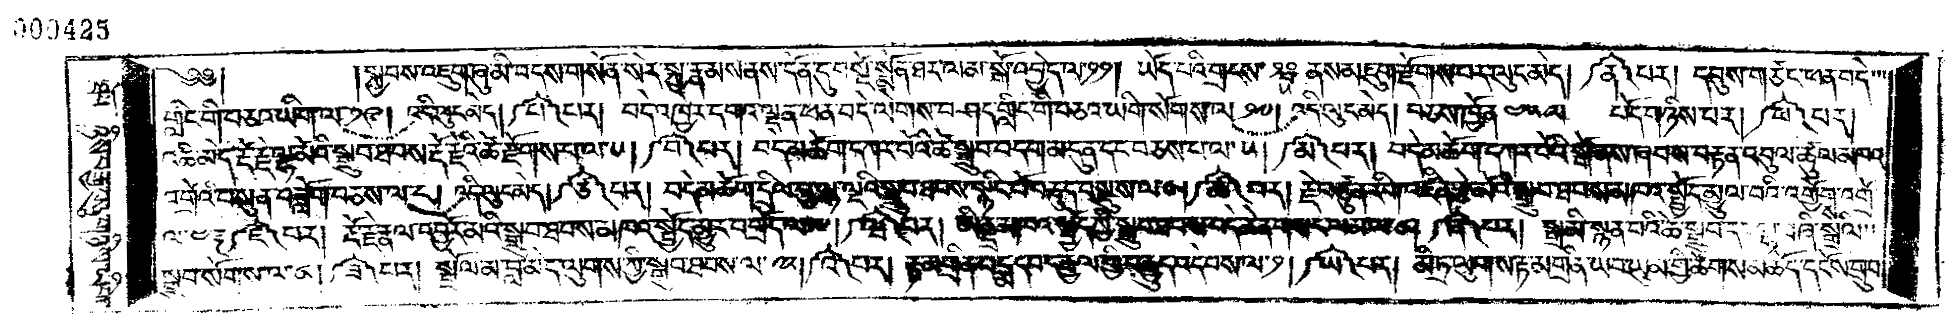༄༅། །སྐྱབས་འཇུག་ཞུ་མི་འདས་གསོན་སེར་སྐྱ་རྣམས་ནས་དོན་དུ་བསྔོ་སྨོན་ཐར་ལམ་སྒོ་འབྱེད་ལ ༡༡། ཡོད་པའི་གྲངས ༡༠བ༥་ནས་མཇུག་རྫོགས་བར་ལུང་མེད། ༼ན༽ པར། དབུས་གཙང་ཕན་བདེ་
གླིང་གི་བཅའ་ཡིག་ལ ༡༩། འདི་ལུང་མེད། ༼པ༽ པར། བདེ་འཁྱེར་དགའ་ལྡན་ཕན་བདེ་ལེགས་བཤད་གླིང་གི་བཅའ་ཡིག་སོགས་ལ ༡༧། འདི་ལུང་མེད། བཅས་ཁྱོན ༤༥༢། པོད་གཉིས་པར། ༼ཕ༽ པར།
འཆི་མེད་རྡོ་རྗེ་ལྷ་མོའི་སྒྲུབ་ཐབས་རྡོ་རྗེའི་ཚེ་རྫོགས་པ་ལ ༥། ༼བ༽ པར། བདེ་མཆོག་དཀར་པོའི་ཚེ་སྒྲུབ་བདག་མདུན་དང་བཅས་པ་ལ ༥། ༼མ༽ པར། བདེ་མཆོག་དཀར་པོའི་སྒོ་ནས་ཞབས་བརྟན་འབུལ་ཚུལ་མཁའ་
འགྲོའི་བསུན་བཟློག་བཅས་ལ ༨། འདི་ལུང་མེད། ༼ཙ༽ པར། བདེ་མཆོག་དྲིལ་བུ་ལྷ་ལྔའི་སྒྲུབ་ཐབས་སྙིང་པོ་བཅུད་བསྡུས་ལ ༦། ༼ཚ༽ པར། རྗེ་བཙུན་རིག་འཛིན་རྩེ་མོའི་སྒྲུབ་ཐབས་མཁའ་སྤྱོད་མྱུལ་བའི་འགྱོགས་འགྲོ་
ལ ༤༑ ༼ཛ༽ པར། རྡོ་རྗེ་རྣལ་འབྱོར་མའི་སྒྲུབ་ཐབས་མཁའ་སྤྱོད་མྱུར་བགྲོད་ལ ༧། ༼ཝ༽ པར། ཨིནྡྲ་མཁའ་སྤྱོད་ཀྱི་སྒྲུབ་ཐབས་བདེ་ཆེན་གསང་ལམ་ལ ༦། ༼ཞ༽ པར། སྒྲ་མི་སྙན་པའི་ཚེ་སྒྲུབ་དང་ལྷ་བཞི་སྒྲེལ་
སྒྲུབ་སོགས་ལ ༦། ༼ཟ༽ པར། སྒྲོལ་མ་བླ་མེད་ལུགས་ཀྱི་སྒྲུབ་ཐབས་ལ ༣། ༼འ༽ པར། རྟ་མགྲིན་པདམ་དབང་རྒྱལ་གྱི་བརྒྱུད་འདེབས་ལ ༡། ༼ཡ༽ པར། མིཏྲ་ལུགས་རྟ་མགྲིན་ཡབ་ཡུམ་གྱི་ཚོགས་མཆོད་དངོས་གྲུབ་